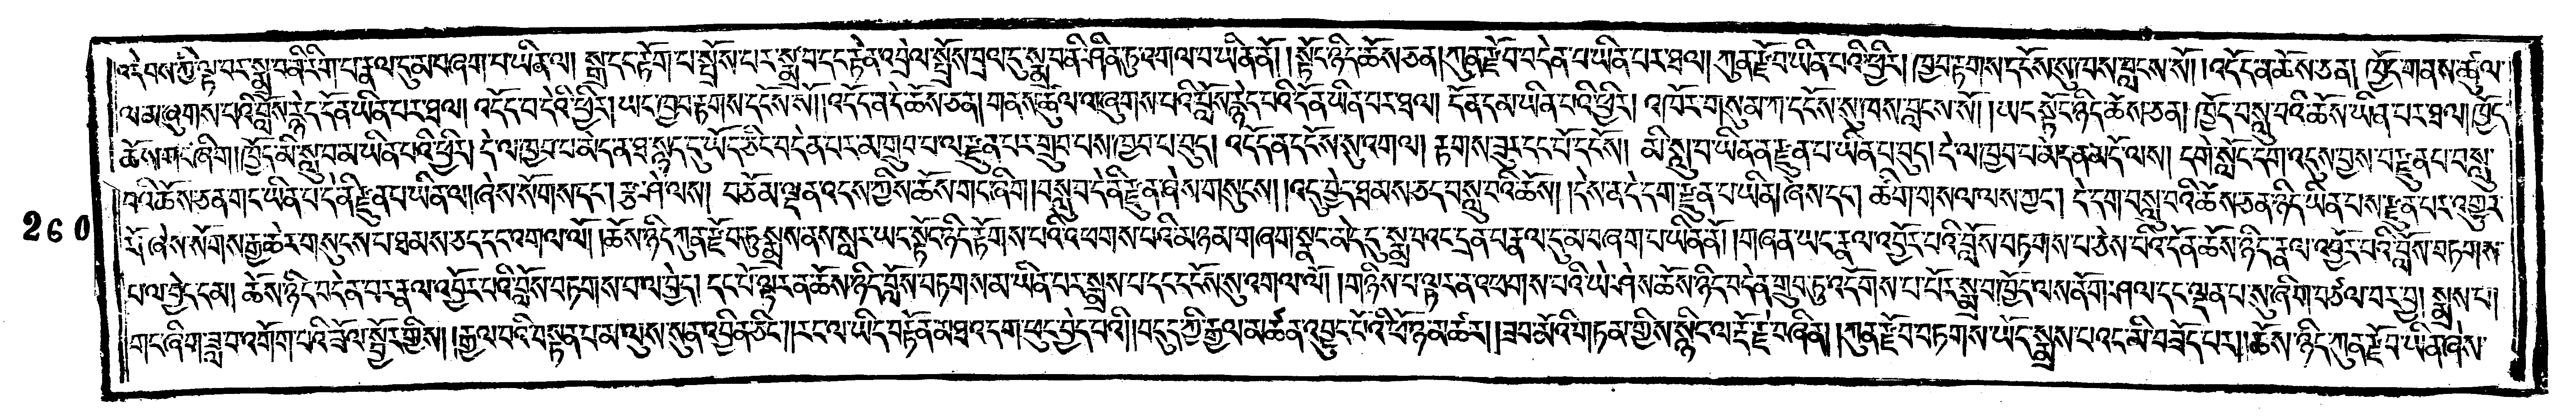འདེབས་ཀྱི་ལྟ་བར་སྨྲ་བ་ནི་རིག་པ་རྣལ་དུ་མ་བཞག་པ་ཡིན་ལ། སྒྲ་དང་རྟོག་པ་སྤྲོས་པར་སྨྲ་བ་དང་རྟེན་འབྲེལ་སྤྲོས་བྲལ་དུ་སྨྲ་བ་ནི་ཤིན་ཏུ་འགལ་བ་ཡིན་ནོ། །སྟོང་ཉིད་ཆོས་ཅན། ཀུན་རྫོབ་བདེན་པ་ཡིན་པར་ཐལ། ཀུན་རྫོབ་ཡིན་པའི་ཕྱིར། ཁྱབ་རྟགས་དངོས་སུ་ཁས་བླངས་སོ། །འདོད་ན་ཆོས་ཅན། ཁྱོད་གནས་ཚུལ་
ལམ་ཞུགས་པའི་བློས་རྙེད་དོན་ཡིན་པར་ཐལ། འདོད་བ་དེའི་ཕྱིར། ཡང་ཁྱབ་རྟགས་དངོས་སོ། །འདོད་ན་དེ་ཆོས་ཅན། གནས་ཚུལ་ལ་ཞུགས་པའི་བློས་རྙེད་པའི་དོན་ཡིན་པར་ཐལ། དོན་དམ་ཡིན་པའི་ཕྱིར། འཁོར་གསུམ་ཀ་དངོས་སུ་ཁས་བླངས་སོ། །ཡང་སྟོང་ཉིད་ཆོས་ཅན། ཁྱོད་བསླུ་བའི་ཆོས་ཡིན་པར་ཐལ། ཁྱོད་
ཆོས་གང་ཞིག། ཁྱོད་མི་སླུ་བ་མ་ཡིན་པའི་ཕྱིར། དེ་ལ་ཁྱབ་པ་མེད་ན་ཐ་སྙད་དུ་ཡོད་ཅིང་བདེན་པར་མ་གྲུབ་པ་ལ་རྫུན་པར་གྲུབ་པས་ཁྱབ་པ་བུད། འདོད་ན་དངོས་སུ་འགལ། རྟགས་ཟུར་དང་པོ་དངོས། མི་སླུ་བ་ཡིན་ན་རྫུན་པ་ཡིན་པ་བུད། དེ་ལ་ཁྱབ་པ་མེད་ན་མདོ་ལས། དགེ་སློང་དག་འདུས་བྱས་བརྫུན་བ་བསླུ་
བའི་ཆོས་ཅན་གང་ཡིན་པ་དེ་ནི་རྫུན་པ་ཡིན་ལ། ཞེས་སོགས་དང་། རྩ་ཤེ་ལས། བཅོམ་ལྡན་འདས་ཀྱིས་ཆོས་གང་ཞིག །བསླུ་བ་དེ་ནི་རྫུན་ཞེས་གསུངས། །འདུ་བྱེད་ཐམས་ཅད་བསླུ་བའི་ཆོས། །དེས་ན་དེ་དག་རྫུན་པ་ཡིན། ཞེས་དང་། ཚིག་གསལ་ལས་ཀྱང་། དེ་དག་བསླུ་བའི་ཆོས་ཅན་ཉིད་ཡིན་པས་རྫུན་པར་འགྱུར་
རོ༑ ཞེས་སོགས་རྒྱ་ཆེར་གསུངས་པ་ཐམས་ཅད་དང་འགལ་ལོ། །ཆོས་ཉིད་ཀུན་རྫོབ་ཏུ་སྨྲས་ནས་སླར་ཡང་སྟོང་ཉིད་རྟོགས་པའི་འཕགས་པའི་མཉམ་གཞག་སྣང་མེད་དུ་སྨྲ་བའང་དྲན་པ་རྣལ་དུ་མ་བཞག་པ་ཡིན་ནོ། །གཞན་ཡང་རྣལ་འབྱོར་པའི་བློས་བཏགས་པ་ཅེས་པའི་དོན་ཆོས་ཉིད་རྣལ་འབྱོར་པའི་བློས་བཏགས་
པ་ལ་བྱེད་དམ། ཆོས་ཉིད་བདེན་བར་རྣལ་འབྱོར་པའི་བློས་བཏགས་པ་ལ་བྱེད། དང་པོ་ལྟར་ན་ཆོས་ཉིད་བློས་བཏགས་མ་ཡིན་པར་སྨྲས་པ་དང་དངོས་སུ་འགལ་ལོ། །གཉིས་པ་ལྟར་ན་འཕགས་པའི་ཡེ་ཤེས་ཆོས་ཉིད་བདེན་གྲུབ་ཏུ་འདོགས་པ་པོར་སྨྲ་བ་ཁྱོད་ལས་ནོག་ཤལ་དང་ལྡན་པ་སུ་ཞིག་བཙལ་བར་བྱ། སྨྲས་པ།
གང་ཞིག་ཟླ་བ་འགོག་པའི་ཟོལ་སྦྱོར་གྱིས། །རྒྱལ་བའི་བསྟན་པ་མ་ལུས་སུན་འབྱིན་ཅིང་། །རང་ལ་ཡིད་བརྟོན་མཐའ་དག་ཕུང་བྱེད་པའི། །བདུད་ཀྱི་རྒྱལ་མཚན་འབྱུང་པོའི་ཕོ་ཉ་མཚར། །ཟབ་མོའི་གཏམ་གྱིས་སྙིང་ལ་རྡོ་རྗེ་བཞིན། །ཀུན་རྫོབ་བཏགས་ཡོད་སྨྲས་པའང་མི་བཟོད་པར། །ཆོས་ཉིད་ཀུན་རྫོབ་ཡིན་ཞེས་